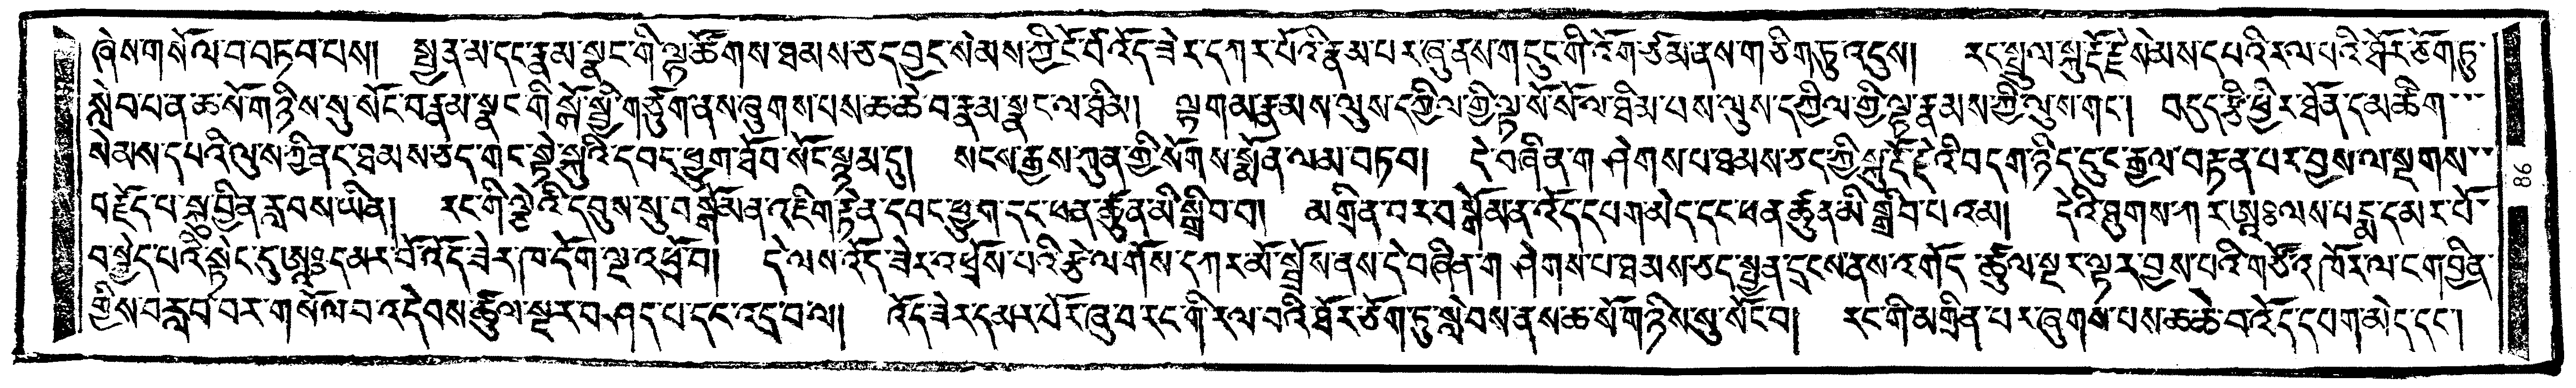ཞེས་གསོལ་བ་བཏབ་པས། སྤྱན་མ་དང་རྣམ་སྣང་གི་ལྷ་ཚོགས་ཐམས་ཅད་བྱང་སེམས་ཀྱི་ངོ་བོ་འོད་ཟེར་དཀར་པོའི་རྣམ་པར་ཞུ་ནས་གདུང་གི་འོག་ཙམ་ནས་གཅིག་ཏུ་འདུས། རང་སྤྲུལ་སྐུ་རྡོ་རྗེ་སེམས་དཔའི་རལ་པའི་ཐོར་ཅོག་ཏུ་
སླེབ་པ་ན་ཆ་སོ་གཉིས་སུ་སོང་བ་རྣམ་སྣང་གི་སྒོ་སྤྱི་གཙུག་ནས་ཞུགས་པས་ཆ་ཆེ་བ་རྣམ་སྣང་ལ་ཐིམ། ལྷག་མ་རྣམས་ལུས་དཀྱིལ་གྱི་ལྟ་སོ་སོ་ལ་ཐིམ་པས་ལུས་དཀྱིལ་གྱི་ལྷ་རྣམས་ཀྱི་ལུས་གང་། བདུད་རྩི་ཕྱིར་ཐོན་དམ་ཚིག་
སེམས་དཔའི་ལུས་ཀྱི་ནང་ཐམས་ཅད་གང་སྟེ་སྐུའི་དབང་ཕྱུག་ཐོབ་སོང་སྙམ་དུ། སངས་རྒྱས་ཀུན་གྱི་སོགས་སྨོན་ལམ་བཏབ། དེ་བཞིན་གཤེགས་པ་ཐམས་ཅད་ཀྱི་སྐུ་རྡོ་རྗེའི་བདག་ཉིད་དུ་ང་རྒྱལ་བརྟན་པར་བྱས་ལ་སྔགས་
བརྗོད་པ་སྐུ་བྱིན་རླབས་ཡིན། རང་གི་ལྕེའི་དབུས་སུ་བསྒོམ་ན་འཇིག་རྟེན་དབང་ཕྱུག་དང་ཕན་ཚུན་མི་སྒྲིབ་པ། མགྲིན་པར་བསྒོམ་ན་འོད་དཔག་མེད་དང་ཕན་ཚུན་མི་སྒྲིབ་པའམ། དེའི་ཐུགས་ཀར་ཨཱཿལས་པདམ་དམར་པོ་
བསྐྱེད་པའི་སྟེང་དུ་ཨཱཿདམར་པོ་འོད་ཟེར་ཁ་དོག་ལྔ་འཕྲོ་བ། དེ་ལས་འོད་ཟེར་འཕྲོས་པའི་རྩེ་ལ་གོས་དཀར་མོ་སྤྲོས་ནས་དེ་བཞིན་གཤེགས་པ་ཐམས་ཅད་སྤྱན་དྲངས་ནས་འགོད་ཚུལ་སྔར་ལྟར་བྱས་པའི་གཙོ་འཁོར་ལ་ངག་བྱིན་
གྱིས་བརླབ་པར་གསོལ་བ་འདེབས་ཚུལ་སྔར་བཤད་པ་དང་འདྲ་བ་ལ། འོད་ཟེར་དམར་པོར་ཞུ་བ་རང་གི་རལ་བའི་ཐོར་ཅོག་ཏུ་སླེབས་ནས་ཆ་སོ་གཉིས་སུ་སོང་བ། རང་གི་མགྲིན་པར་ཞུགས་པས་ཆ་ཆེ་བ་འོད་དཔག་མེད་དང་།